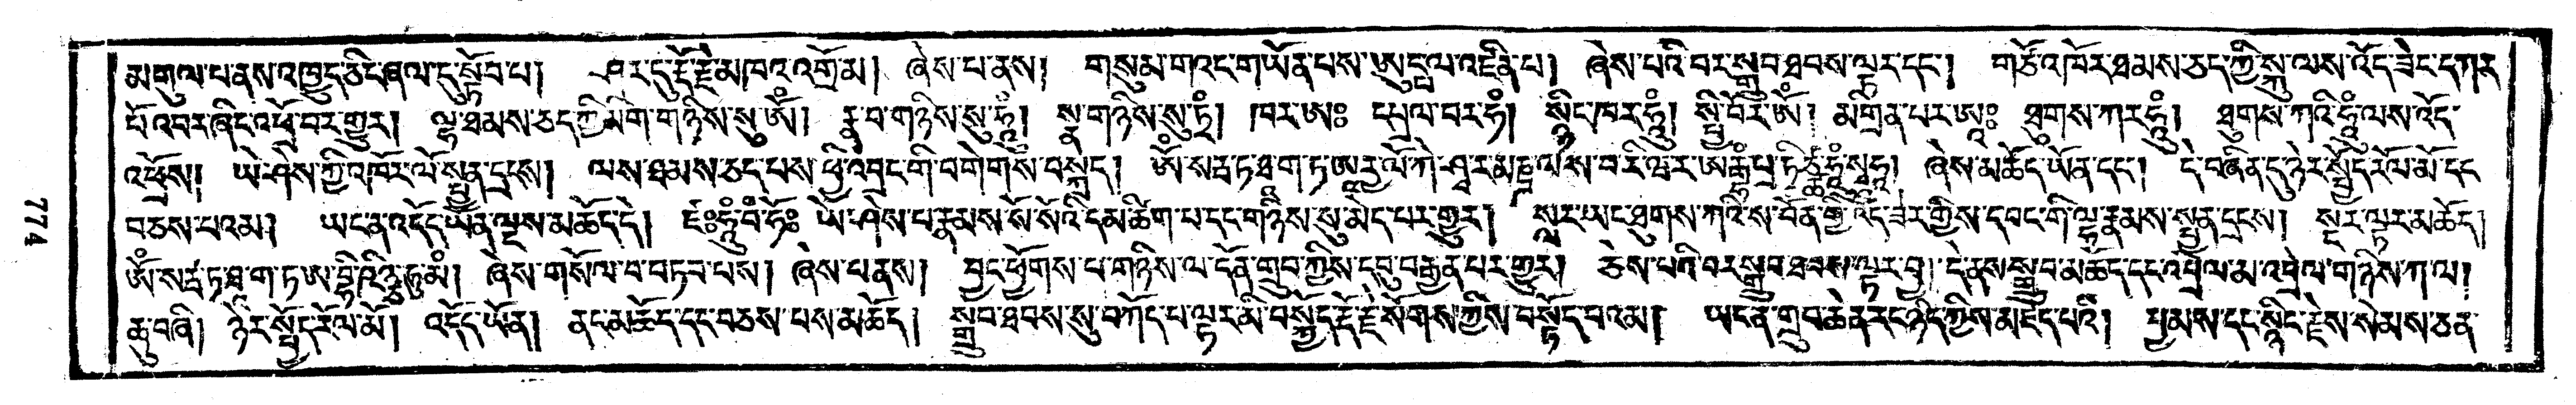མགུལ་པ་ནས་འཁྱུད་ཅིང་ཞལ་དུ་སྟོབ་པ། ཤར་དུ་རྡོ་རྗེ་མཁའ་འགྲོ་མ། ཞེས་པ་ནས། གསུམ་གའང་གཡོན་པས་ཨུདཔ་ལ་འཛིན་པ། ཞེས་པའི་བར་སྒྲུབ་ཐབས་ལྟར་དང་། གཙོ་འཁོར་ཐམས་ཅད་ཀྱི་སྐུ་ལས་འོད་ཟེར་དཀར་
པོ་འབར་ཞིང་འཕྲོ་བར་གྱུར། ལྷ་ཐམས་ཅད་ཀྱི་མིག་གཉིས་སུ་ཨོཾ། རྣ་བ་གཉིས་སུ་ཧཱུཾ། སྣ་གཉིས་སུ་ཏྲཾ། ཁར་ཨཿ དཔྲལ་བར་ཧཾ། སྙིང་ཁར་ཧཱུཾ། སྤྱི་བོར་ཨོཾ། མགྲིན་པར་ཨཱཿ ཐུགས་ཀར་ཧཱུཾ། ཐུགས་ཀའི་ཧཱུཾ་ལས་འོད་
འཕྲོས། ཡེ་ཤེས་ཀྱི་འཁོར་ལོ་སྤྱན་དྲངས། ལས་ཐམས་ཅད་པས་ཕྱི་འབྲང་གི་བགེགས་བསྐྲད། ཨོཾ་སརྦ་ཏ་ཐཱ་ག་ཏ་ཨཱརྱ་ལོ་ཀེ་ཤྭ་ར་མཎྜ་ལས་བ་རི་ཝ་ར་ཨརྒྷཾ་པྲ་ཏི་ཙྪ་ཧཱུཾ་སྭཱཧཱ། ཞེས་མཆོད་ཡོན་དང་། དེ་བཞིན་དུ་ཉེར་སྤྱོད་རོལ་མོ་དང་
བཅས་པའམ། ཡང་ན་འདོད་ཡོན་ལྔས་མཆོད་དེ། ཛཿཧཱུཾ་བཾ་ཧོཿ ཡེ་ཤེས་པ་རྣམས་སོ་སོའི་དམ་ཚིག་པ་དང་གཉིས་སུ་མེད་པར་གྱུར། སླར་ཡང་ཐུགས་ཀའི་ས་བོན་གྱི་འོད་ཟེར་གྱིས་དབང་གི་ལྷ་རྣམས་སྤྱན་དྲངས། སྔར་ལྟར་མཆོད།
ཨོཾ་སརྦ་ཏ་ཐཱ་ག་ཏ་ཨ་བྷི་ཥཉྩི་ཏུ་མཾ། ཞེས་གསོལ་བ་བཏབ་པས། ཞེས་པ་ནས། བྱང་ཕྱོགས་པ་གཉིས་ལ་དོན་གྲུབ་ཀྱིས་དབུ་བརྒྱན་པར་གྱུར། ཅེས་པའི་བར་སྒྲུབ་ཐབས་ལྟར་བྱ། དེ་ནས་སྒྲུབ་མཆོད་དང་འབྲོལ་མ་འབྲེལ་གཉིས་ཀ་ལ།
ཆུ་བཞི། ཉེར་སྤྱོད་རོལ་མོ། འདོད་ཡོན། ནང་མཆོད་དང་བཅས་པས་མཆོད། སྒྲུབ་ཐབས་སུ་བཀོད་པ་ལྟར་མི་བསྐྱོད་རྡོ་རྗེ་སོགས་ཀྱིས་བསྟོད་བའམ། ཡང་ན་གྲུབ་ཆེན་རང་ཉིད་ཀྱིས་མཛད་པའི། བྱམས་དང་སྙིང་རྗེས་སེམས་ཅན་